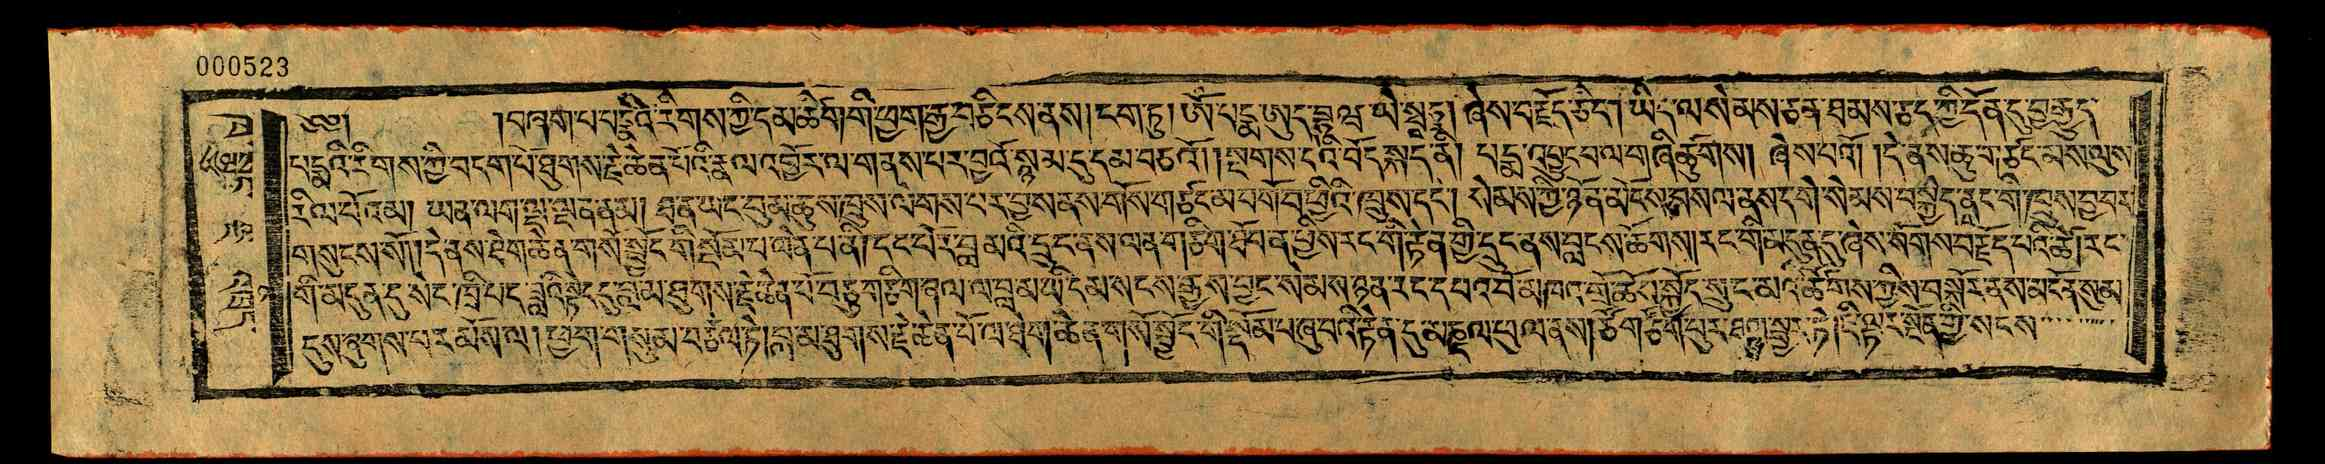༄༅། །བཞག་པ་པདམའི་རིགས་ཀྱི་དམ་ཚིག་གི་ཕྱག་རྒྱ་བཅིངས་ནས། ངག་ཏུ། ཨོཾ་པདམ་ཨུད་བྷ་ཝ་ཡེ་སྭཱཧཱ། ཞེས་བརྗོད་ཅིང་། ཡིད་ལ་སེམས་ཅན་ཐམས་ཅད་ཀྱི་དོན་དུ་བྱ་རྒྱུར་
པདམའི་རིགས་ཀྱི་བདག་པོ་ཐུགས་རྗེ་ཆེན་པོའི་རྣལ་འབྱོར་ལ་གནས་པར་བྱའོ་སྙམ་དུ་དམ་བཅའོ། །སྔགས་དེའི་བོད་སྐད་ནི། པདམ་འབྱུང་བ་ལ་གཞི་ཚུགས། ཞེས་པའོ། །དེ་ནས་ཆུ་གཙང་མའི་
རིལ་པོའམ། ཡན་ལག་ལྔ་ལྡན་ནམ། ཐ་ན་ཡང་བུམ་ཆུས་ཁྲུས་ལེགས་པར་བྱས་ནས་གོས་གཙང་མ་བགོ་བ་ཕྱིའི་ཁྲུས་དང་། སེམས་ཀྱི་ཉོན་མོངས་བསལ་ནས་དགེ་སེམས་བསྐྱེད་པ་ནང་གི་ཁྲུས་བཅས་
གསུངས་སོ། །དེ་ནས་ཐེག་ཆེན་གསོ་སྦྱོང་གི་སྡོམ་པ་ལེན་པ་ནི། དང་པོར་བླ་མའི་དྲུང་ནས་ལན་གཅིག་ཐོབ་ན་ཕྱིས་རང་གིས་རྟེན་གྱི་དྲུང་ནས་བླངས་ཆོག་པས། རང་གི་མདུན་དུ་ཞེས་སོགས་བརྗོད་པའི་ཚེ། རང་
གི་མདུན་དུ་སེང་ཁྲི་པད་ཟླའི་སྟེང་དུ་བླ་མ་ཐུགས་རྗེ་ཆེན་པོ་བཅུ་གཅིག་ཞལ་ལ་བླ་མ་ཡི་དམ་སངས་རྒྱས་བྱང་སེམས་ཉན་རང་དཔའ་བོ་མཁའ་འགྲོ་ཆོས་སྐྱོང་སྲུང་མའི་ཚོགས་ཀྱིས་བསྐོར་ནས་མངོན་སུམ་
དུ་བཞུགས་པར་མོས་ལ། ཕྱག་གསུམ་བཙལ་ཏེ། བླ་མ་ཐུགས་རྗེ་ཆེན་པོ་ལ་ཐེག་ཆེན་གསོ་སྦྱོང་གི་སྡོམ་པ་ཞུ་བའི་རྟེན་དུ་མཎྜལ་ཕུལ་ནས། ཙོག་ཙོག་པུར་ཐལ་མོ་སྦྱར་ཏེ། ཇི་ལྟར་སྔོན་གྱི་སངས་